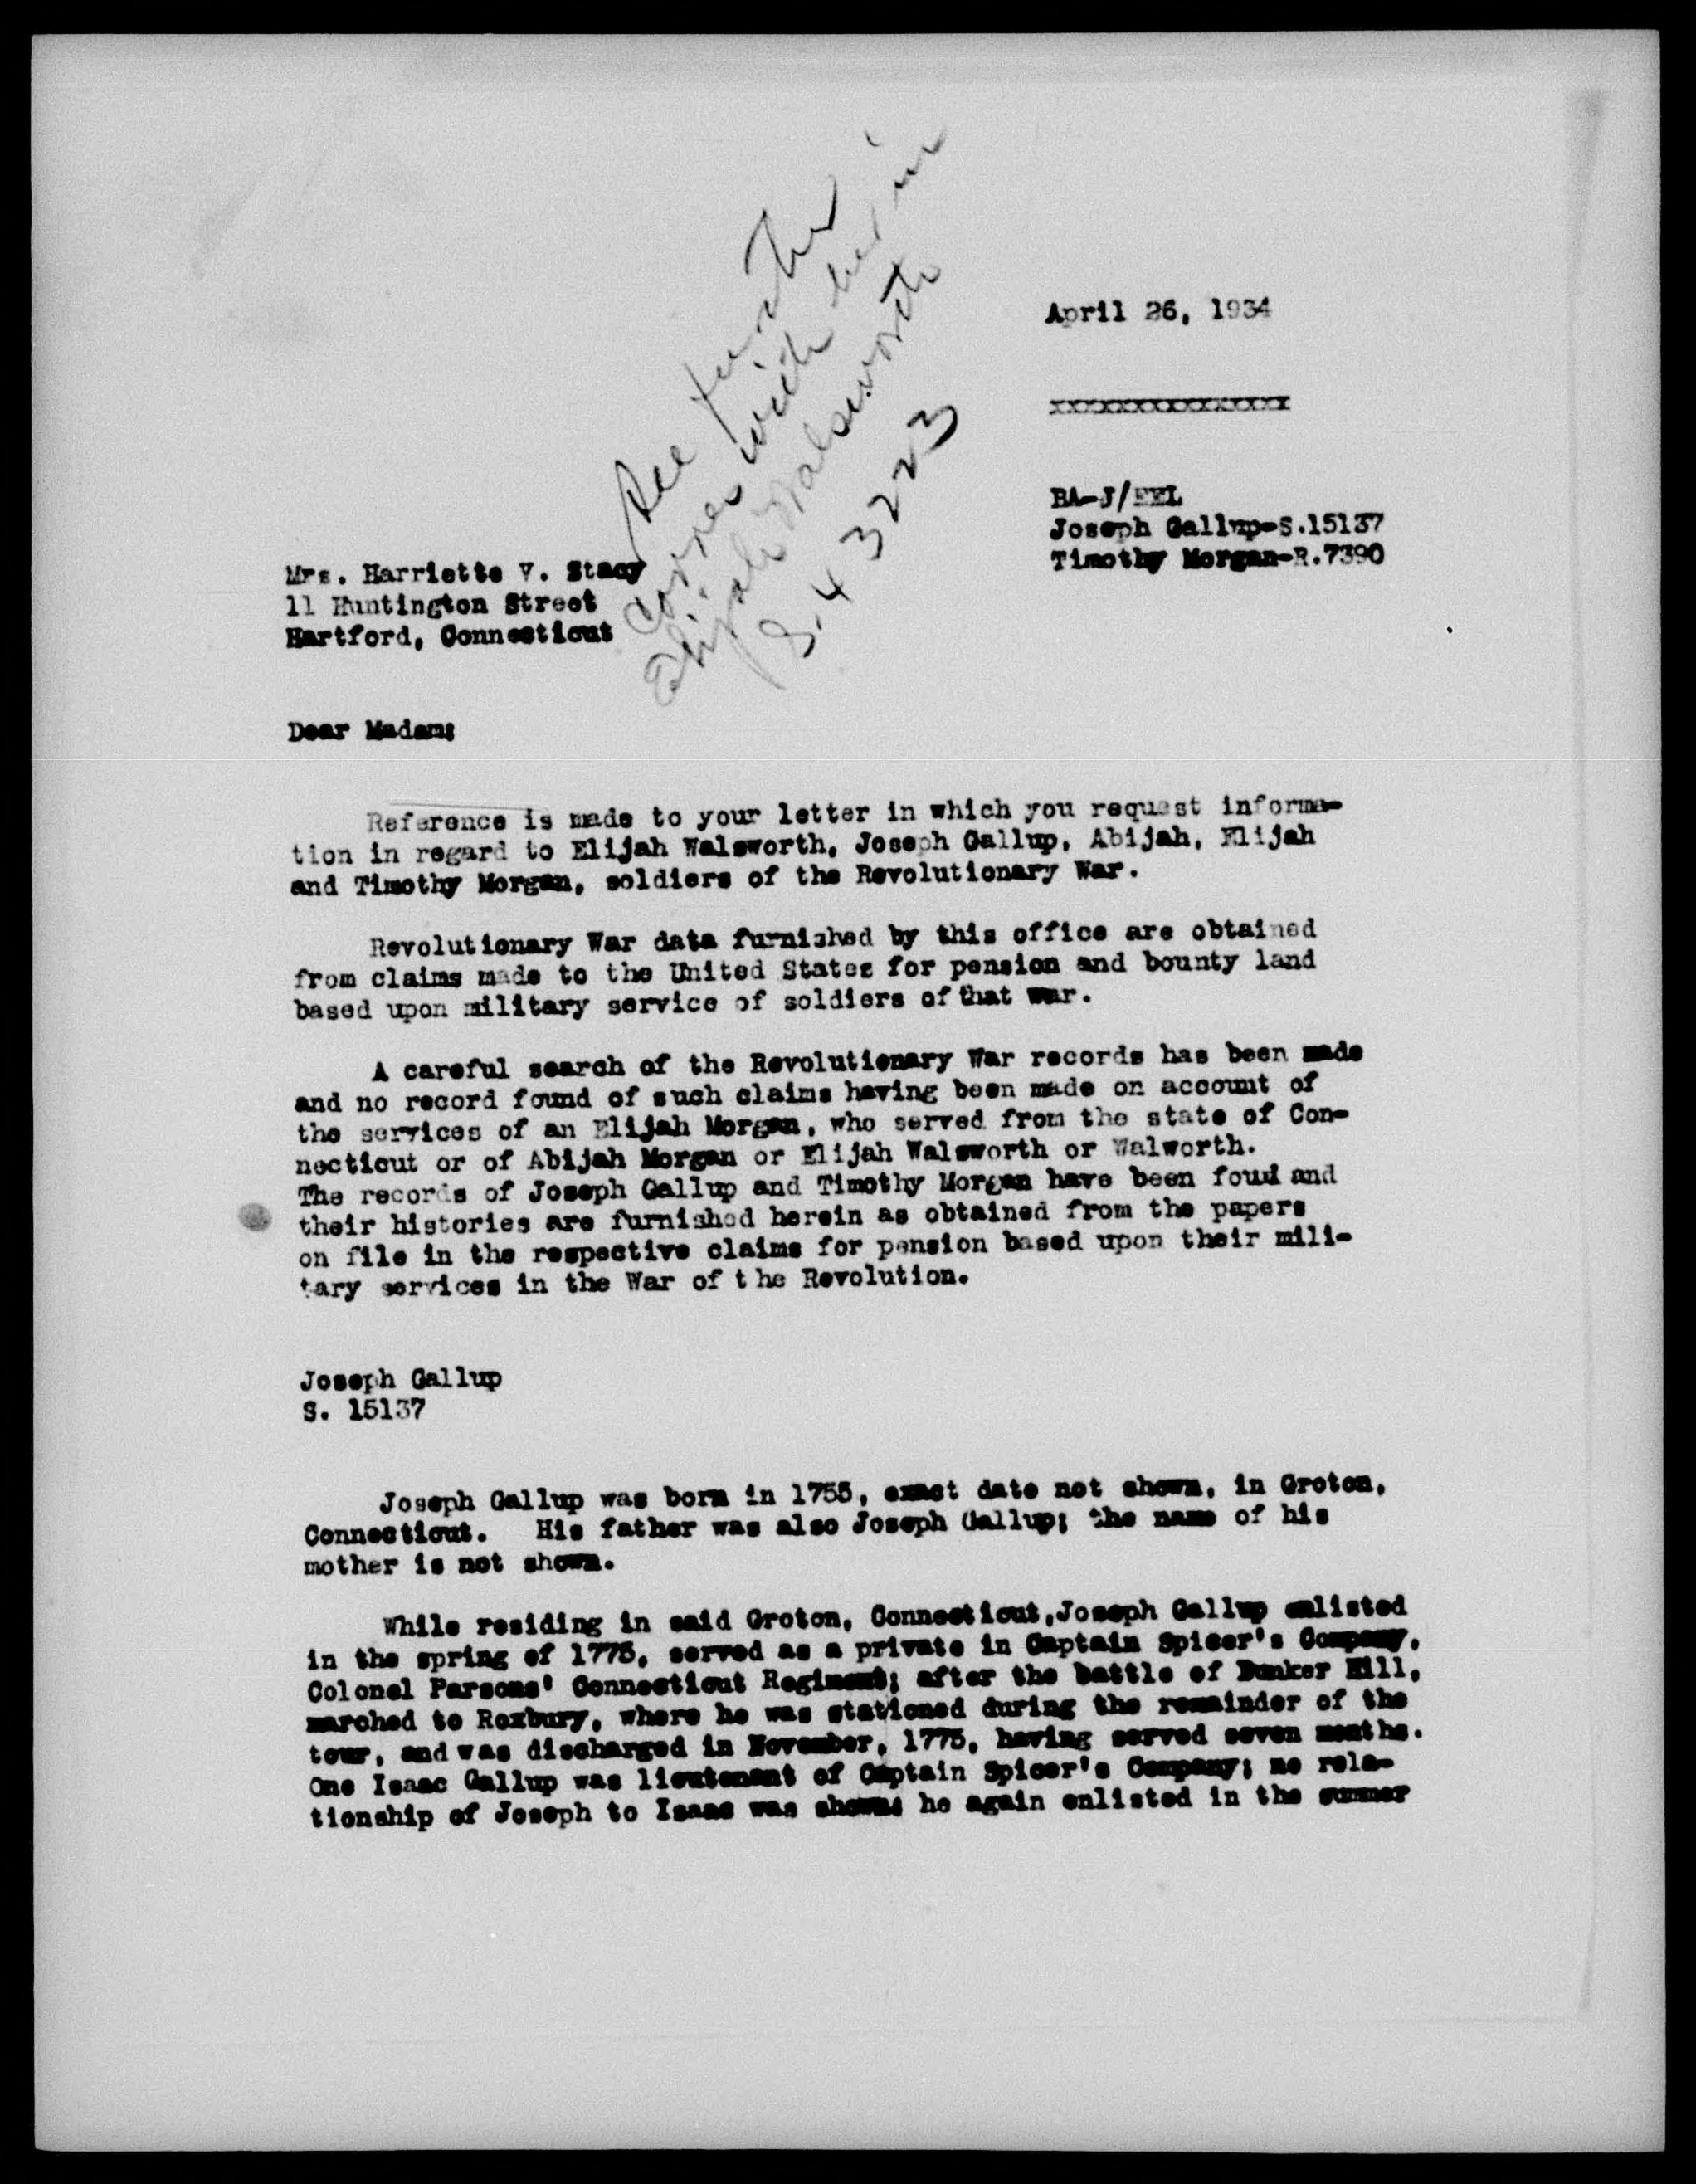April 26, 1934
BA-J/EEL
Joseph Gallu-S.15137
Timothy Morgan-R.7390
Mrs. Harriette V. Stacey
11 Huntington Street
Hartford, Connecticut
Dear Madam:
Reference is made to your letter in which you request information 
in regard to Elijah Walsworth, Joseph Gallup, Abijah, Elijah
and Timothy Morgan, soldiers of the Revolutionary War.
Revolutionary War data furnished by this office are obtained
from claims made to the United States for pension and bounty land
based upon military service of soldiers of that war.
A careful search of the Revolutionary War records has been made
and no record found of such claims having been made on account of
the services of an Elijah Morgan, who served from the state of Connecticut
or of Abijah Morgan of Elijah Walsworth or Walworth.
The records of Joseph Gallup and Timothy Morgan have been found and
their histories are furnished herein as obtained from the papers
on file in the respective claims for pension based upon their military
services in the War of the Revolution.
Joseph Gallup
S. 15137
Joseph Gallup was born in 1755, exact date not shown, in Groton,
Connections. His father was also Joseph Gallup; the name of his
mother is not shown.
While residing in said Groton, Connecticut, Joseph Gallup enlisted
in the spring of 1775, served as a private in Captain Spicer's Company
Colonel Parsons' Connecticut Regiment, after the battle of Bunker Hill,
marched to Roxbury, where he was stationed during the reminder of the
tour, and was discharged in November, 1775, having served seven months.
One Isaac Gallup was lieutenant of Captain Spicer's Company: no relationship of Joseph to Isaac was shown he again enlisted in the summer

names: Elijah Walworth; Elijah Walsworth; Joseph Gallup; Elijah Morgan; Isaac Gallup; Abijah Morgan; Timothy Morgan; Barrietta V Stacy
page: 8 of 19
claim: rejected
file: R 7390, for Timothy Morgan, Connecticut